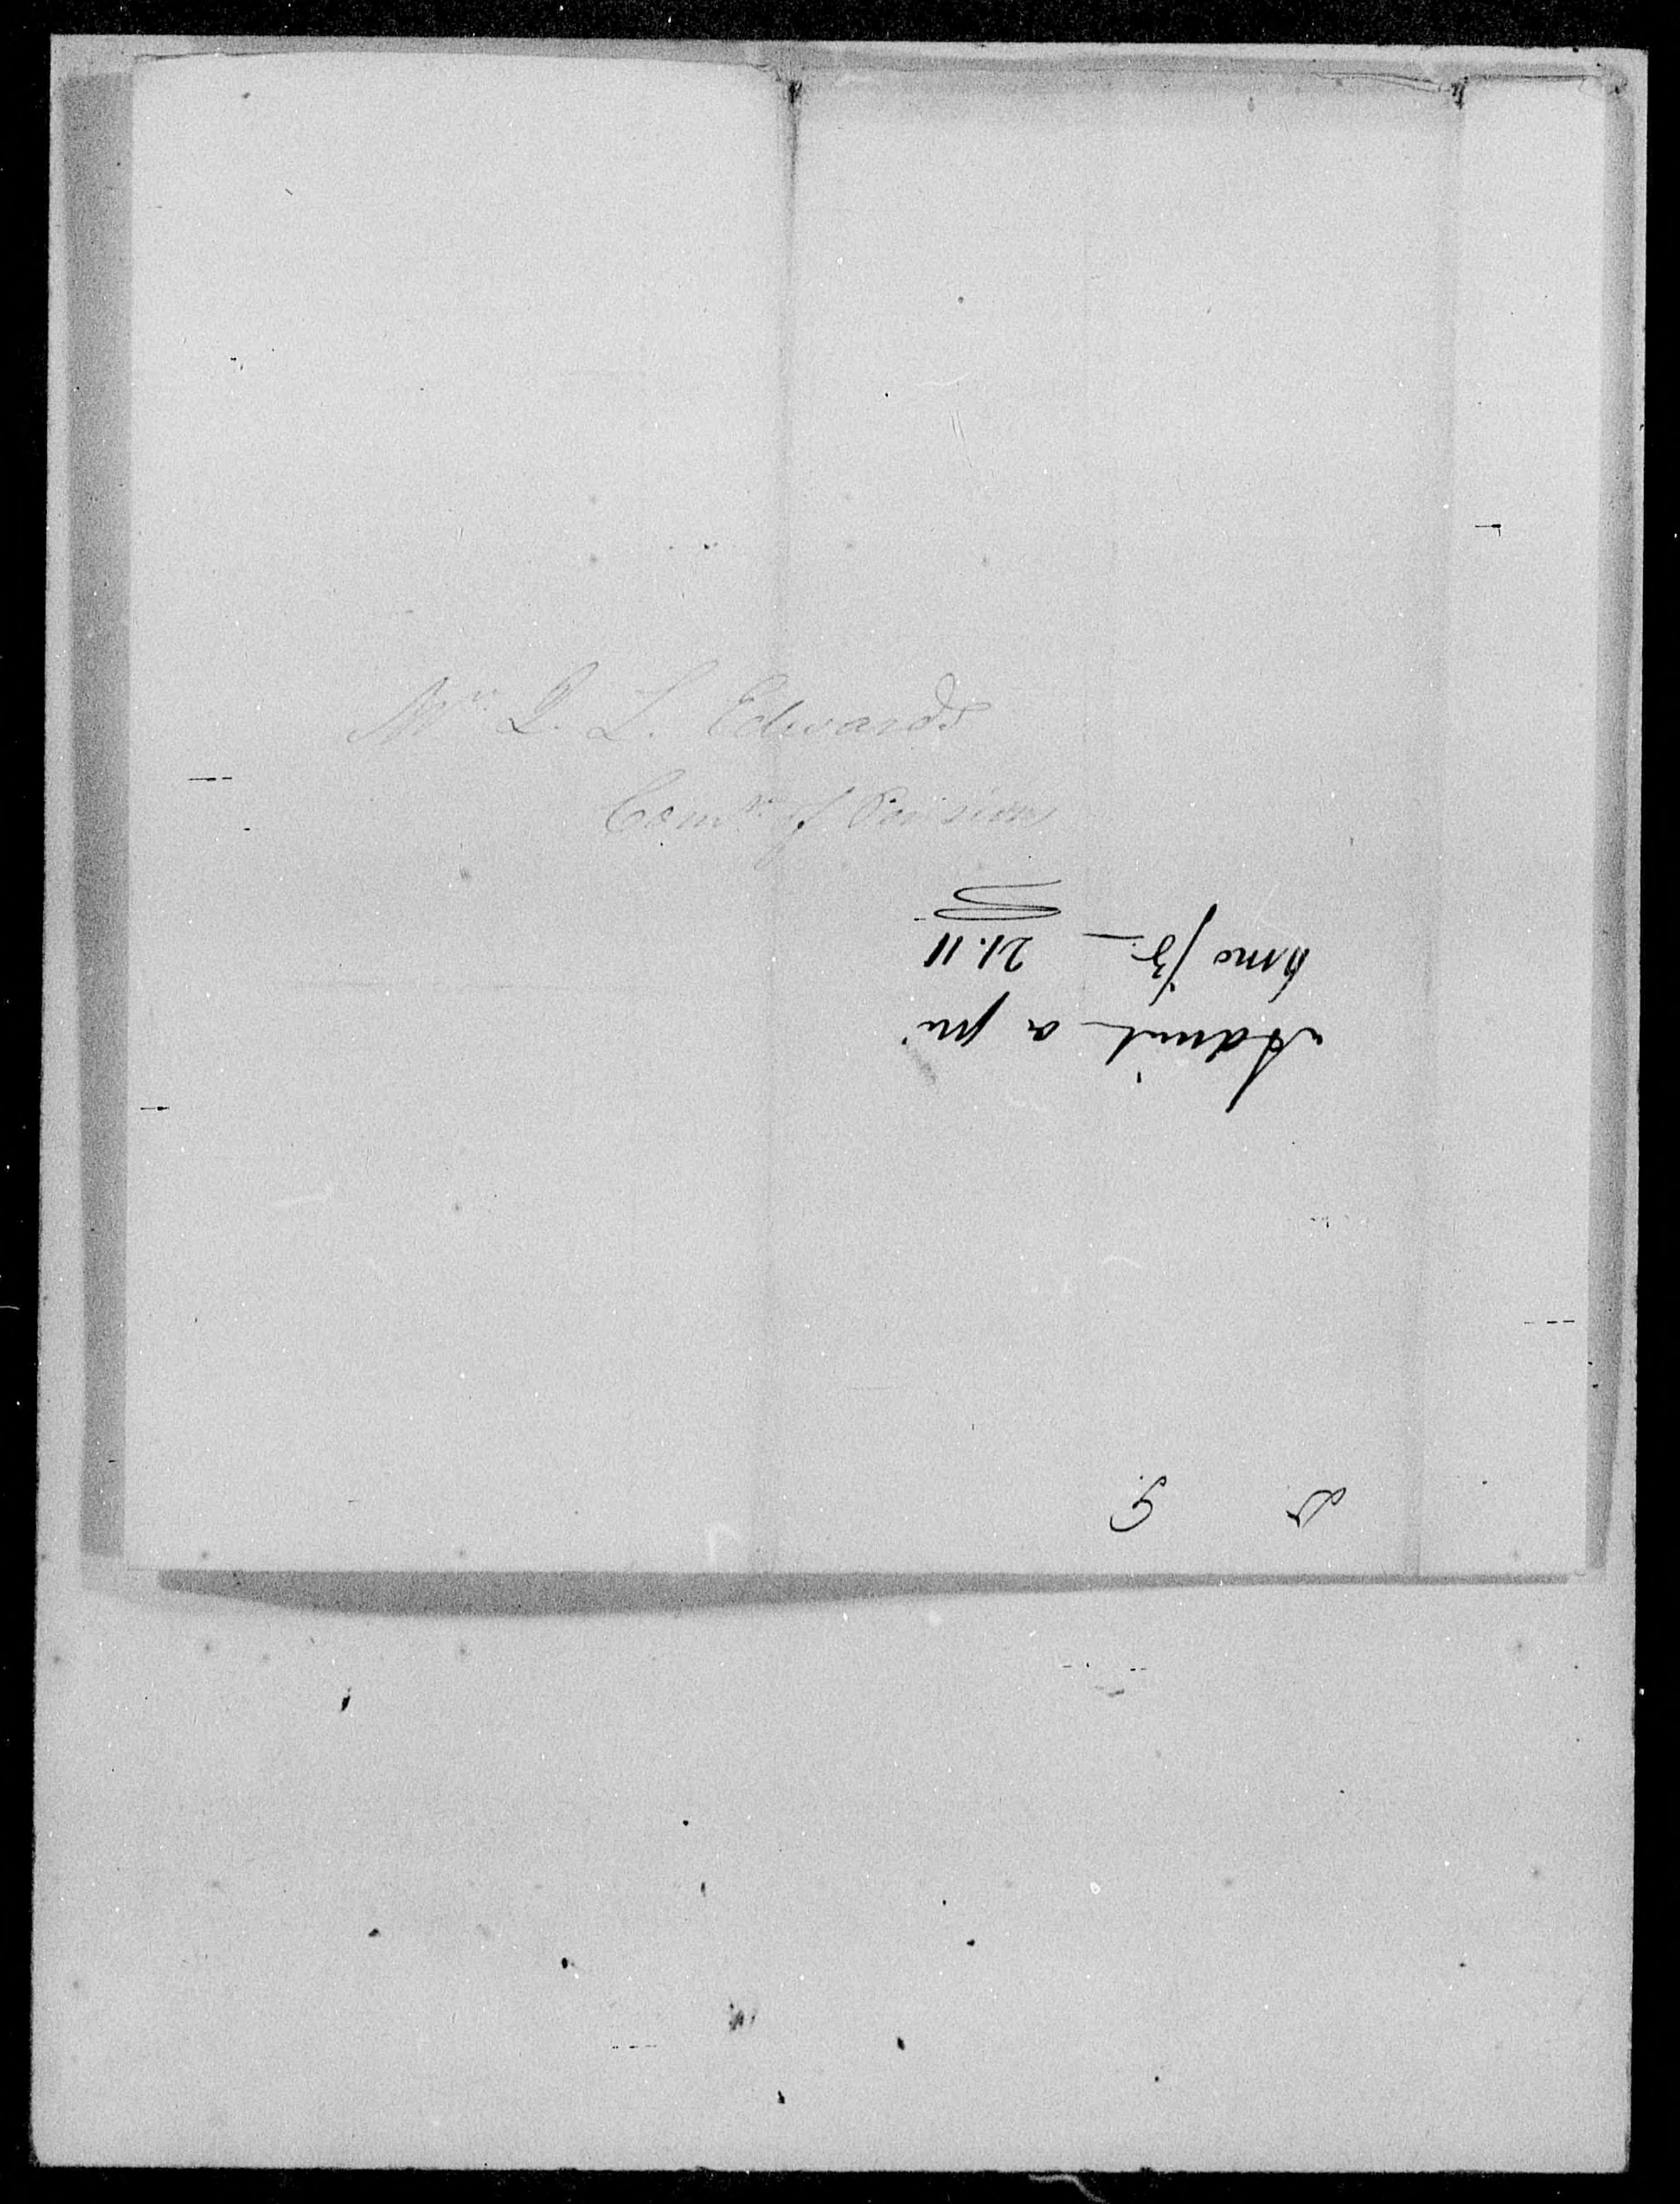Mr. J. L. Edwards
Comr of Pensions

Admit as pri 
6 mo 1/2 -- 21.11

D  G.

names: J L Edwards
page: 16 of 18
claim: survivor's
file: S. 21,236, Davis Goudelock, S.C.